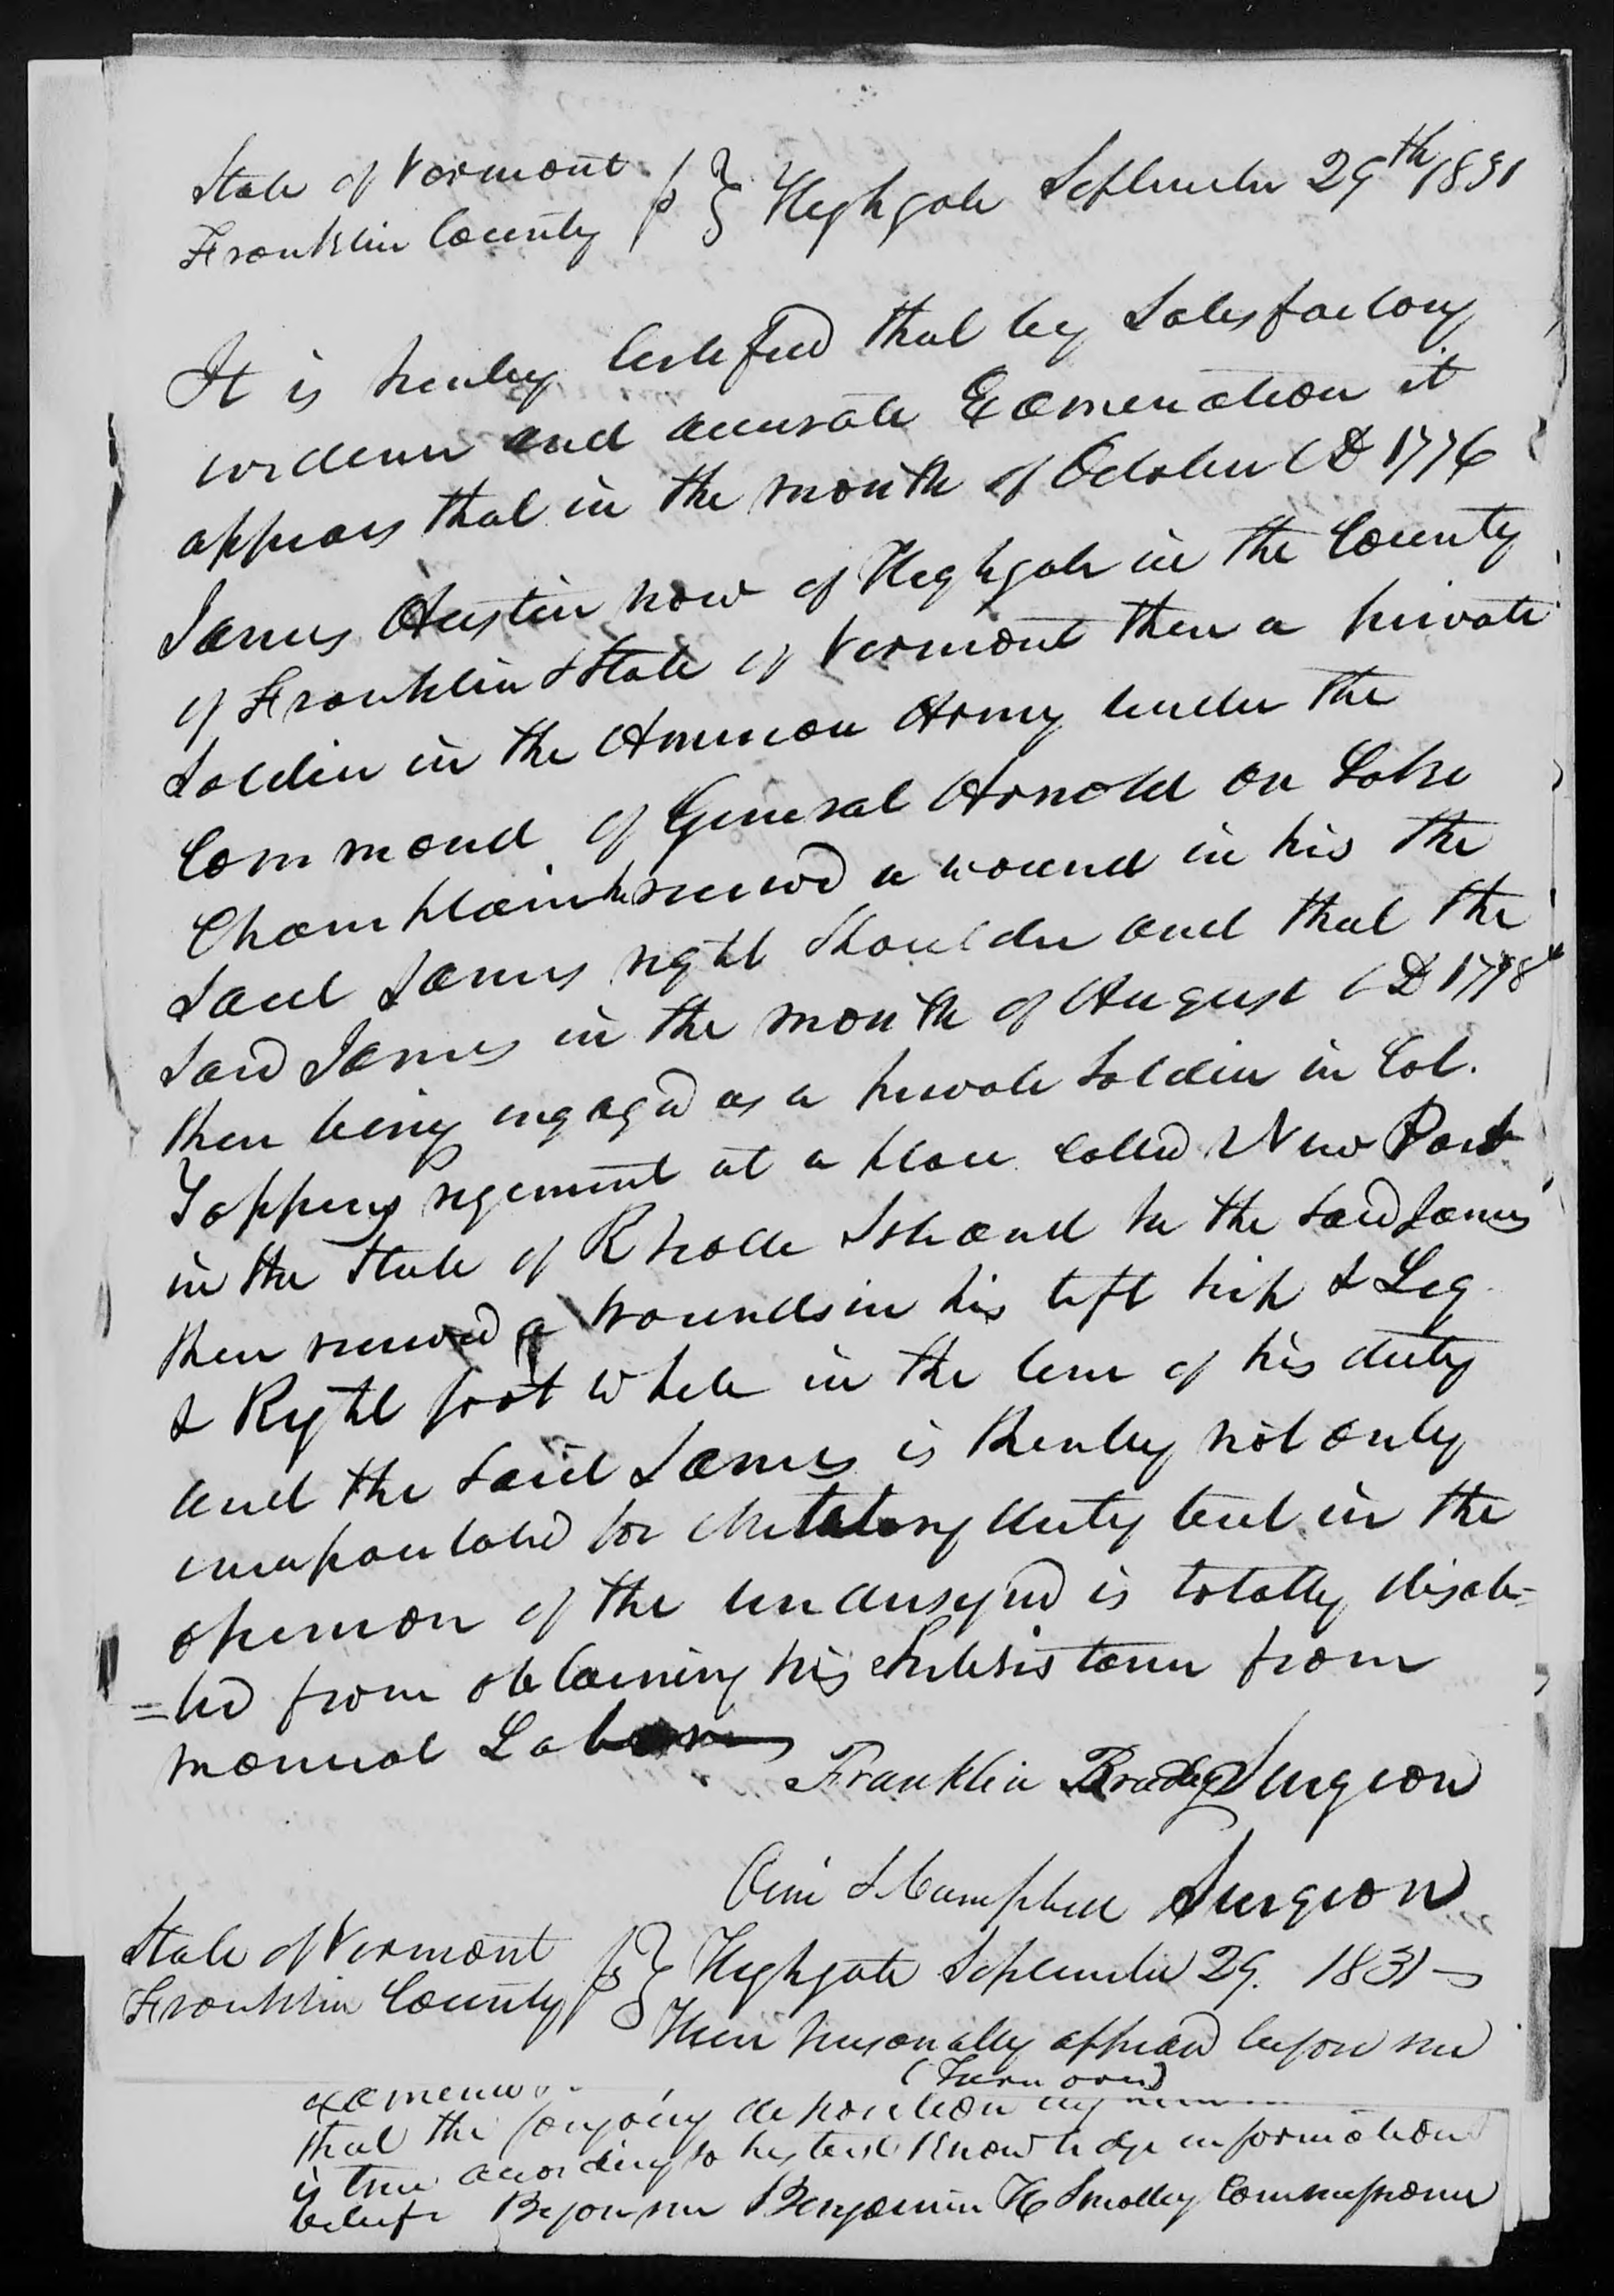State of Vermont   } Highgate September
Franklin County ss } 29th 1831

It is hereby certified that by satisfactory witness and accurate examination it appears that in the month of October AD 1776 James Austin now of Highgate in the County of Franklin & State of Vermont then a private soldier in the American Army under the command of General Arnold on Lake Champlain suffered a wound in his the said James right shoulder and that the said James in the month of August AD 1778 then being engaged as a private soldier in Col. Toppery Regiment at a place called New Port in the State of Rhode Island he the said James then received wounds in his left hip & leg & right foot when in the line of his duty and the said James is thereby not only [illegible] for military duty but in the opinion of the undersigned is totally disable from obtaining his subsistence from manual labor
Franklin Bradley Surgeon
Orin S Campbell Surgeon

State of Vermont   } Highgate September
Franklin County ss } 29 1831--
Then personally appeared before me
(turn over)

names: Arnold, Orin S Campbell, James, James, James Austin, Franklin Bradley, James, Benjamin H Smalley, James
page: 66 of 100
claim: survivor's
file: S 19186, James Austin, Conn. New York R.I.